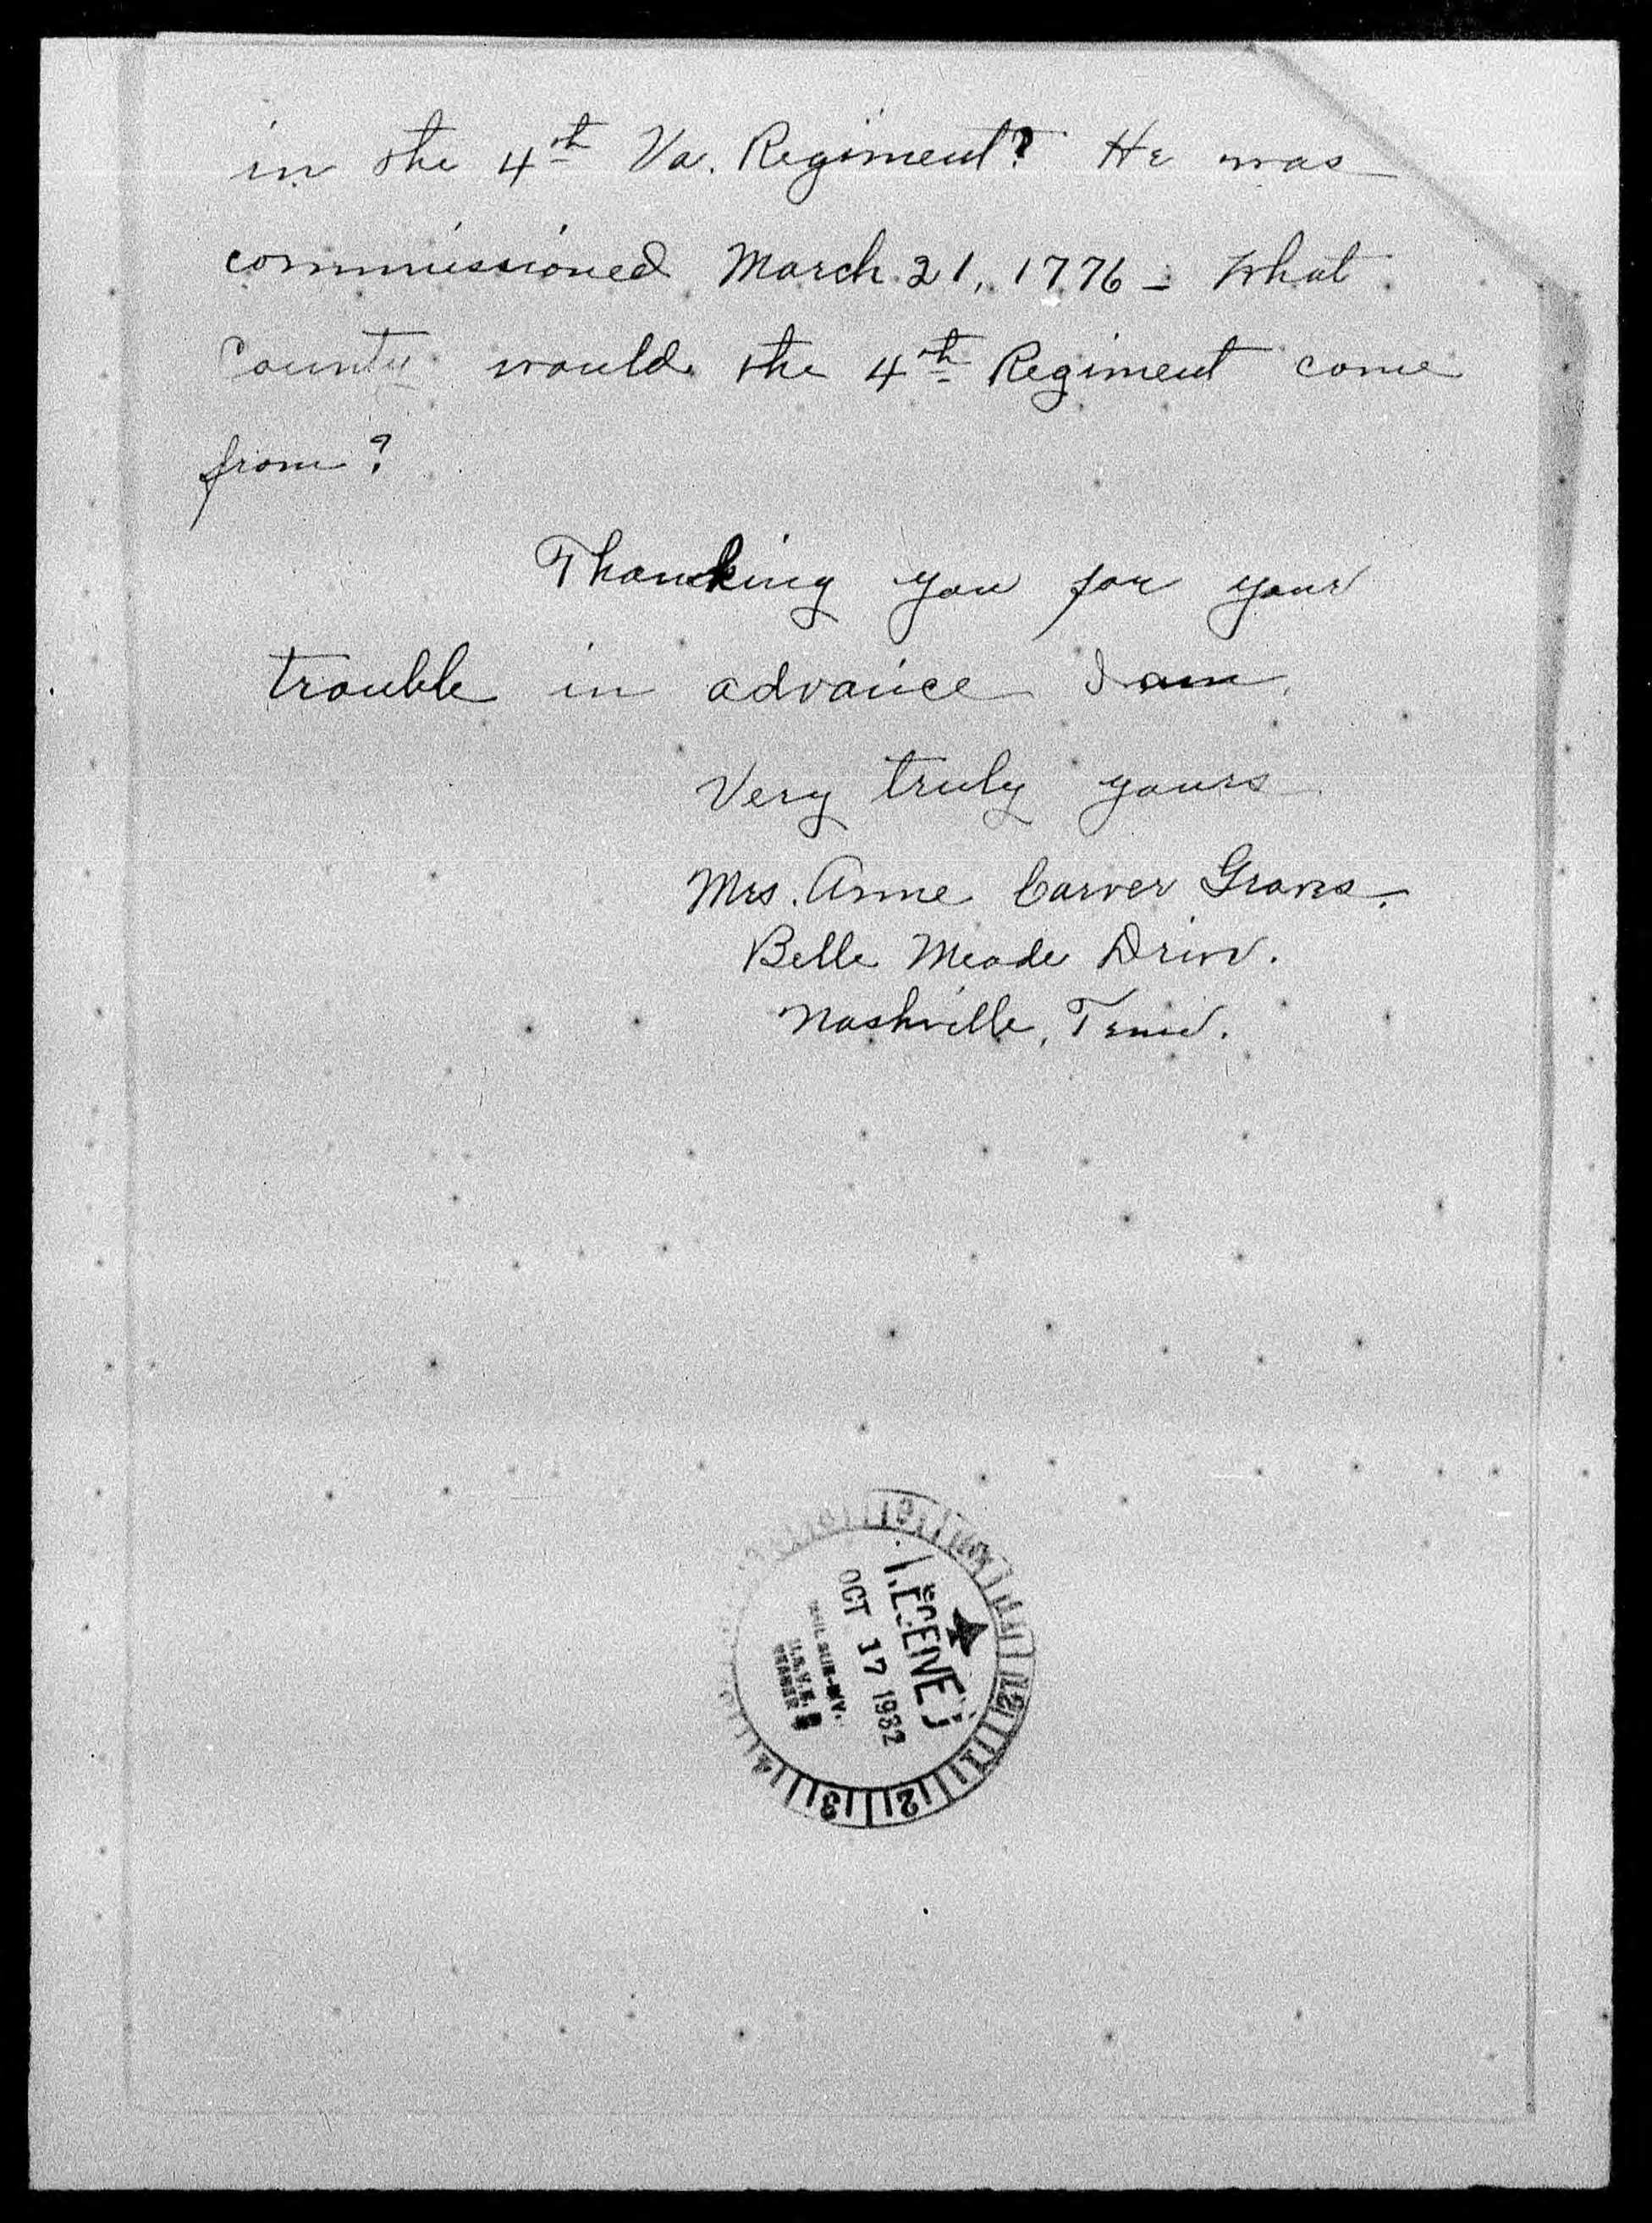in the 4th Va. Regiment. He was commissioned March 21, 1776.  What county would the 4th Regiment come from?

Thanking you for your trouble in advance, I am 
Very truly yours,

Mrs. Anne Carver Graves
Belle Meade Drive
Nashville, Tenn.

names: Anne Carver Graves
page: 21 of 22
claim: survivor's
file: S. 3408, Reuben Graves, Va.